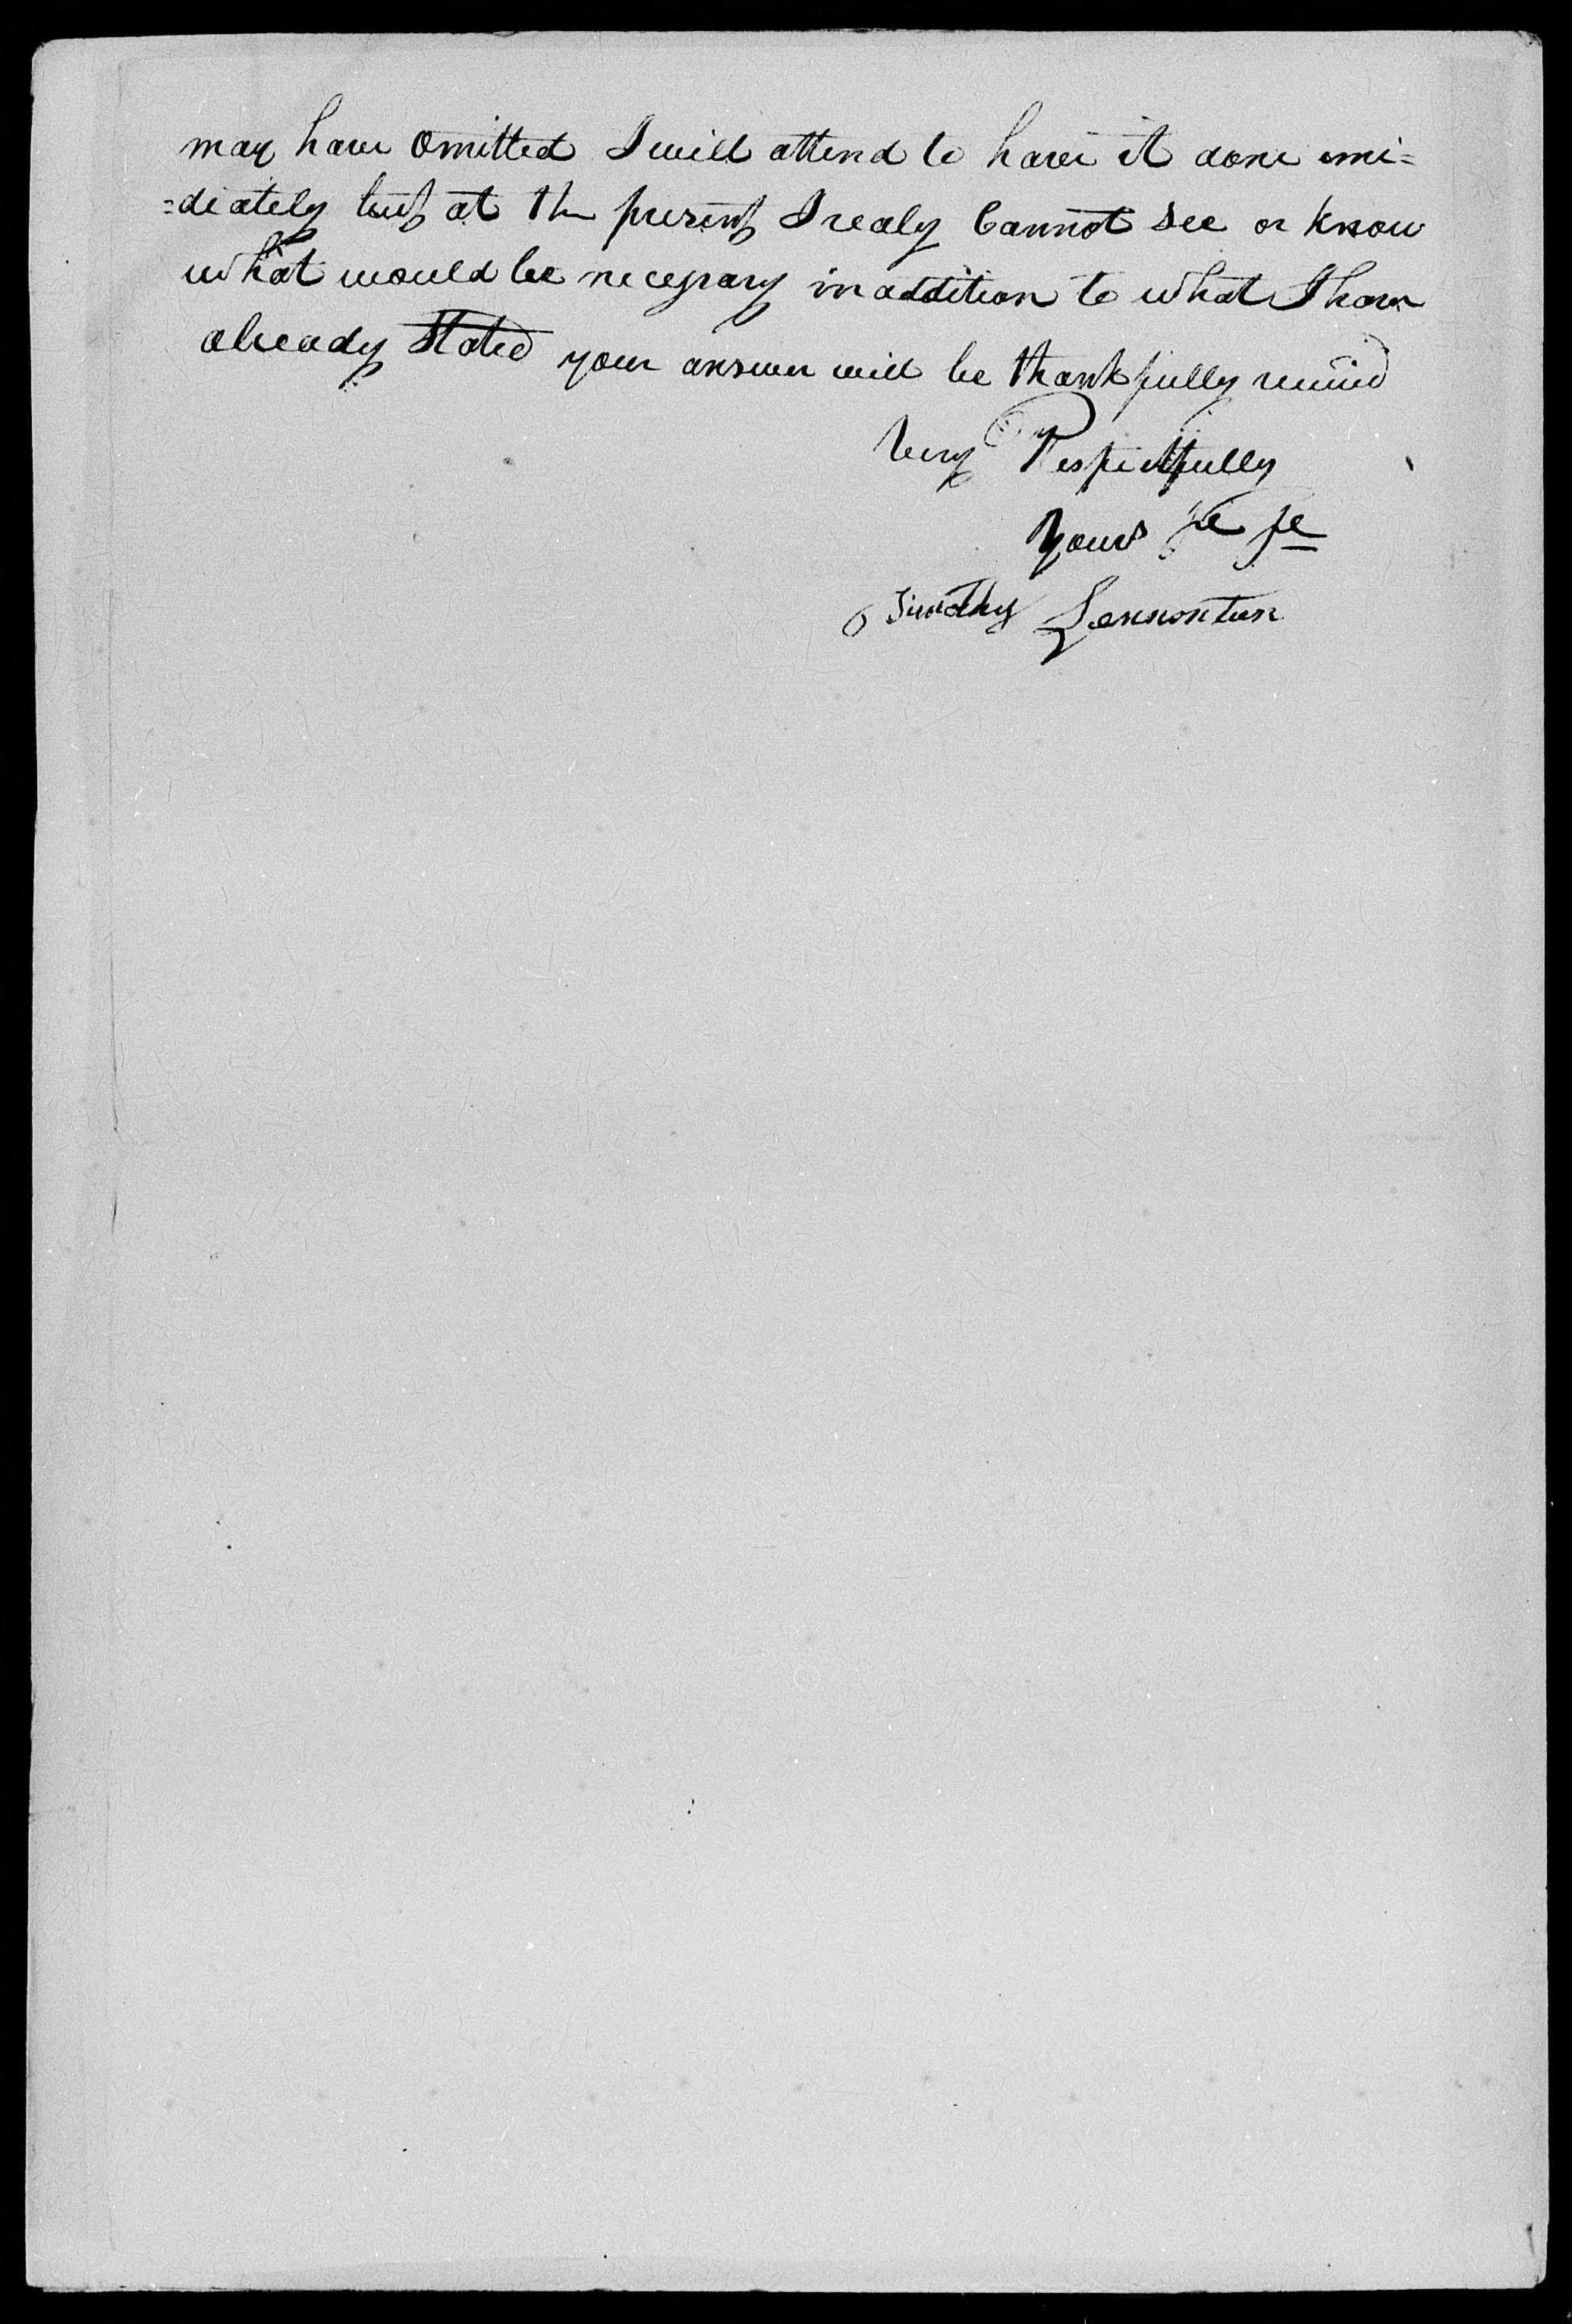may have omitted I will attend to have it done immediately but at the present I really cannot see or know what would be necessary in addition to what i have already stated your answer will be thankfully received.

                                 Very Respectfully
                                 Yours truly
                                  Timothy Lennonton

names: Timothy Lennonton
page: 10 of 14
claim: survivor's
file: S. 9749, for Timothy Lennonton, Pennsylvania